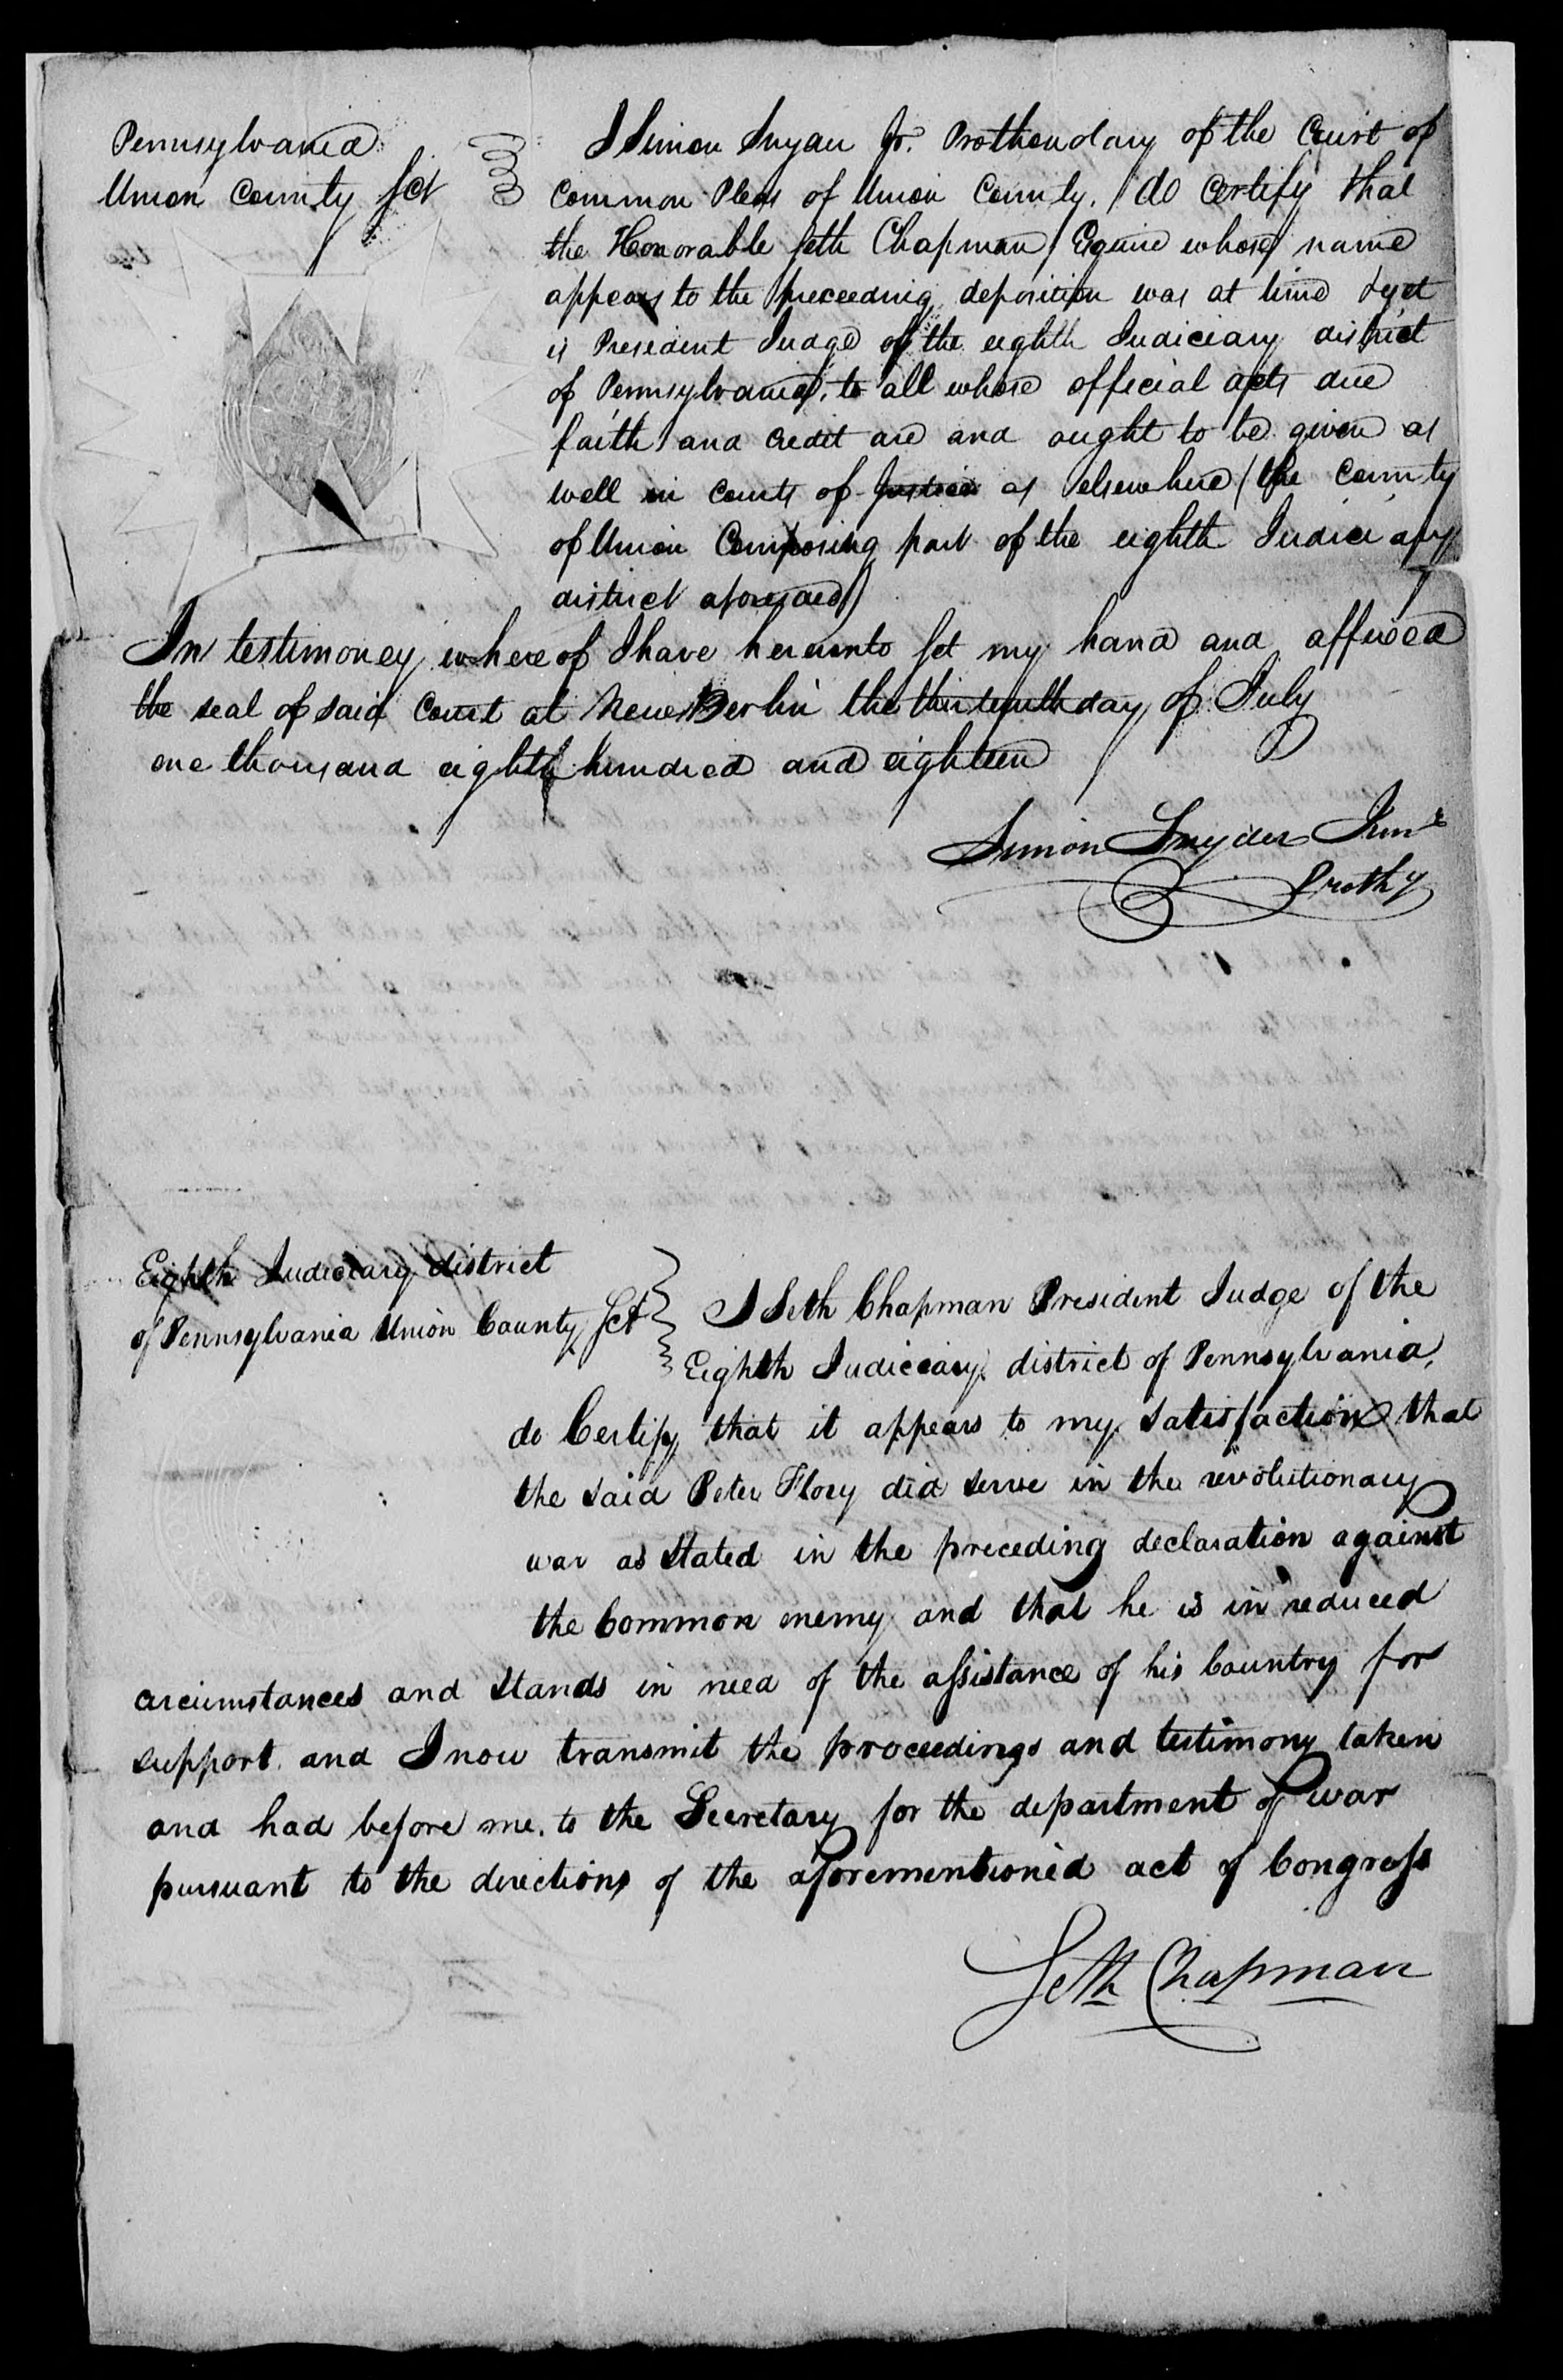Pennsylvania
Union County

I Simon Synder .. ...... ....... of the Court of Common Pleas of Union County do certify that the Honorable Seth Chapman Exquire whose name appears to the preceeding deposition was at time & yet is President Judge of the eight Judiciary district of Pennsylvania, to all whose official acts due faith and credit are and ought to be given as well in County of Justice as elsewhere the County of Union Composing part of the eight Judiciary district afore....
In testimony where of I have hereunto set my hand and affixed the seal of said Court at ....Berlin the thirteenth day of July one thousand eight hundred and eighteen
  Simon Synder .......
                      .........


Eight Judiciary district
of Pennsylvania Union County Jct
I Seth Chapman President Judge of the Eight Judiciary district of Pennsylvania, do Certify that it appears to my Satisfaction that the said Peter Flory did serve in the revolutionary war as Stated in the preceding declaration against the Common enemy and that he is in reduced circumstances and Stands in need of the assistance of his Country for support and I now transmit the proceedings and testimony taken and had before me to the Secretary for the department of war pursuant to the directions of the aforementioned act of Congress.
Seth Chapman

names: Simon Snyder, Seth Chapman, Simon Snyder, Seth Chapman, Peter Flory, Seth Chapman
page: 7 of 11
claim: survivor's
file: S. 42,197, Peter Flory, Penn.